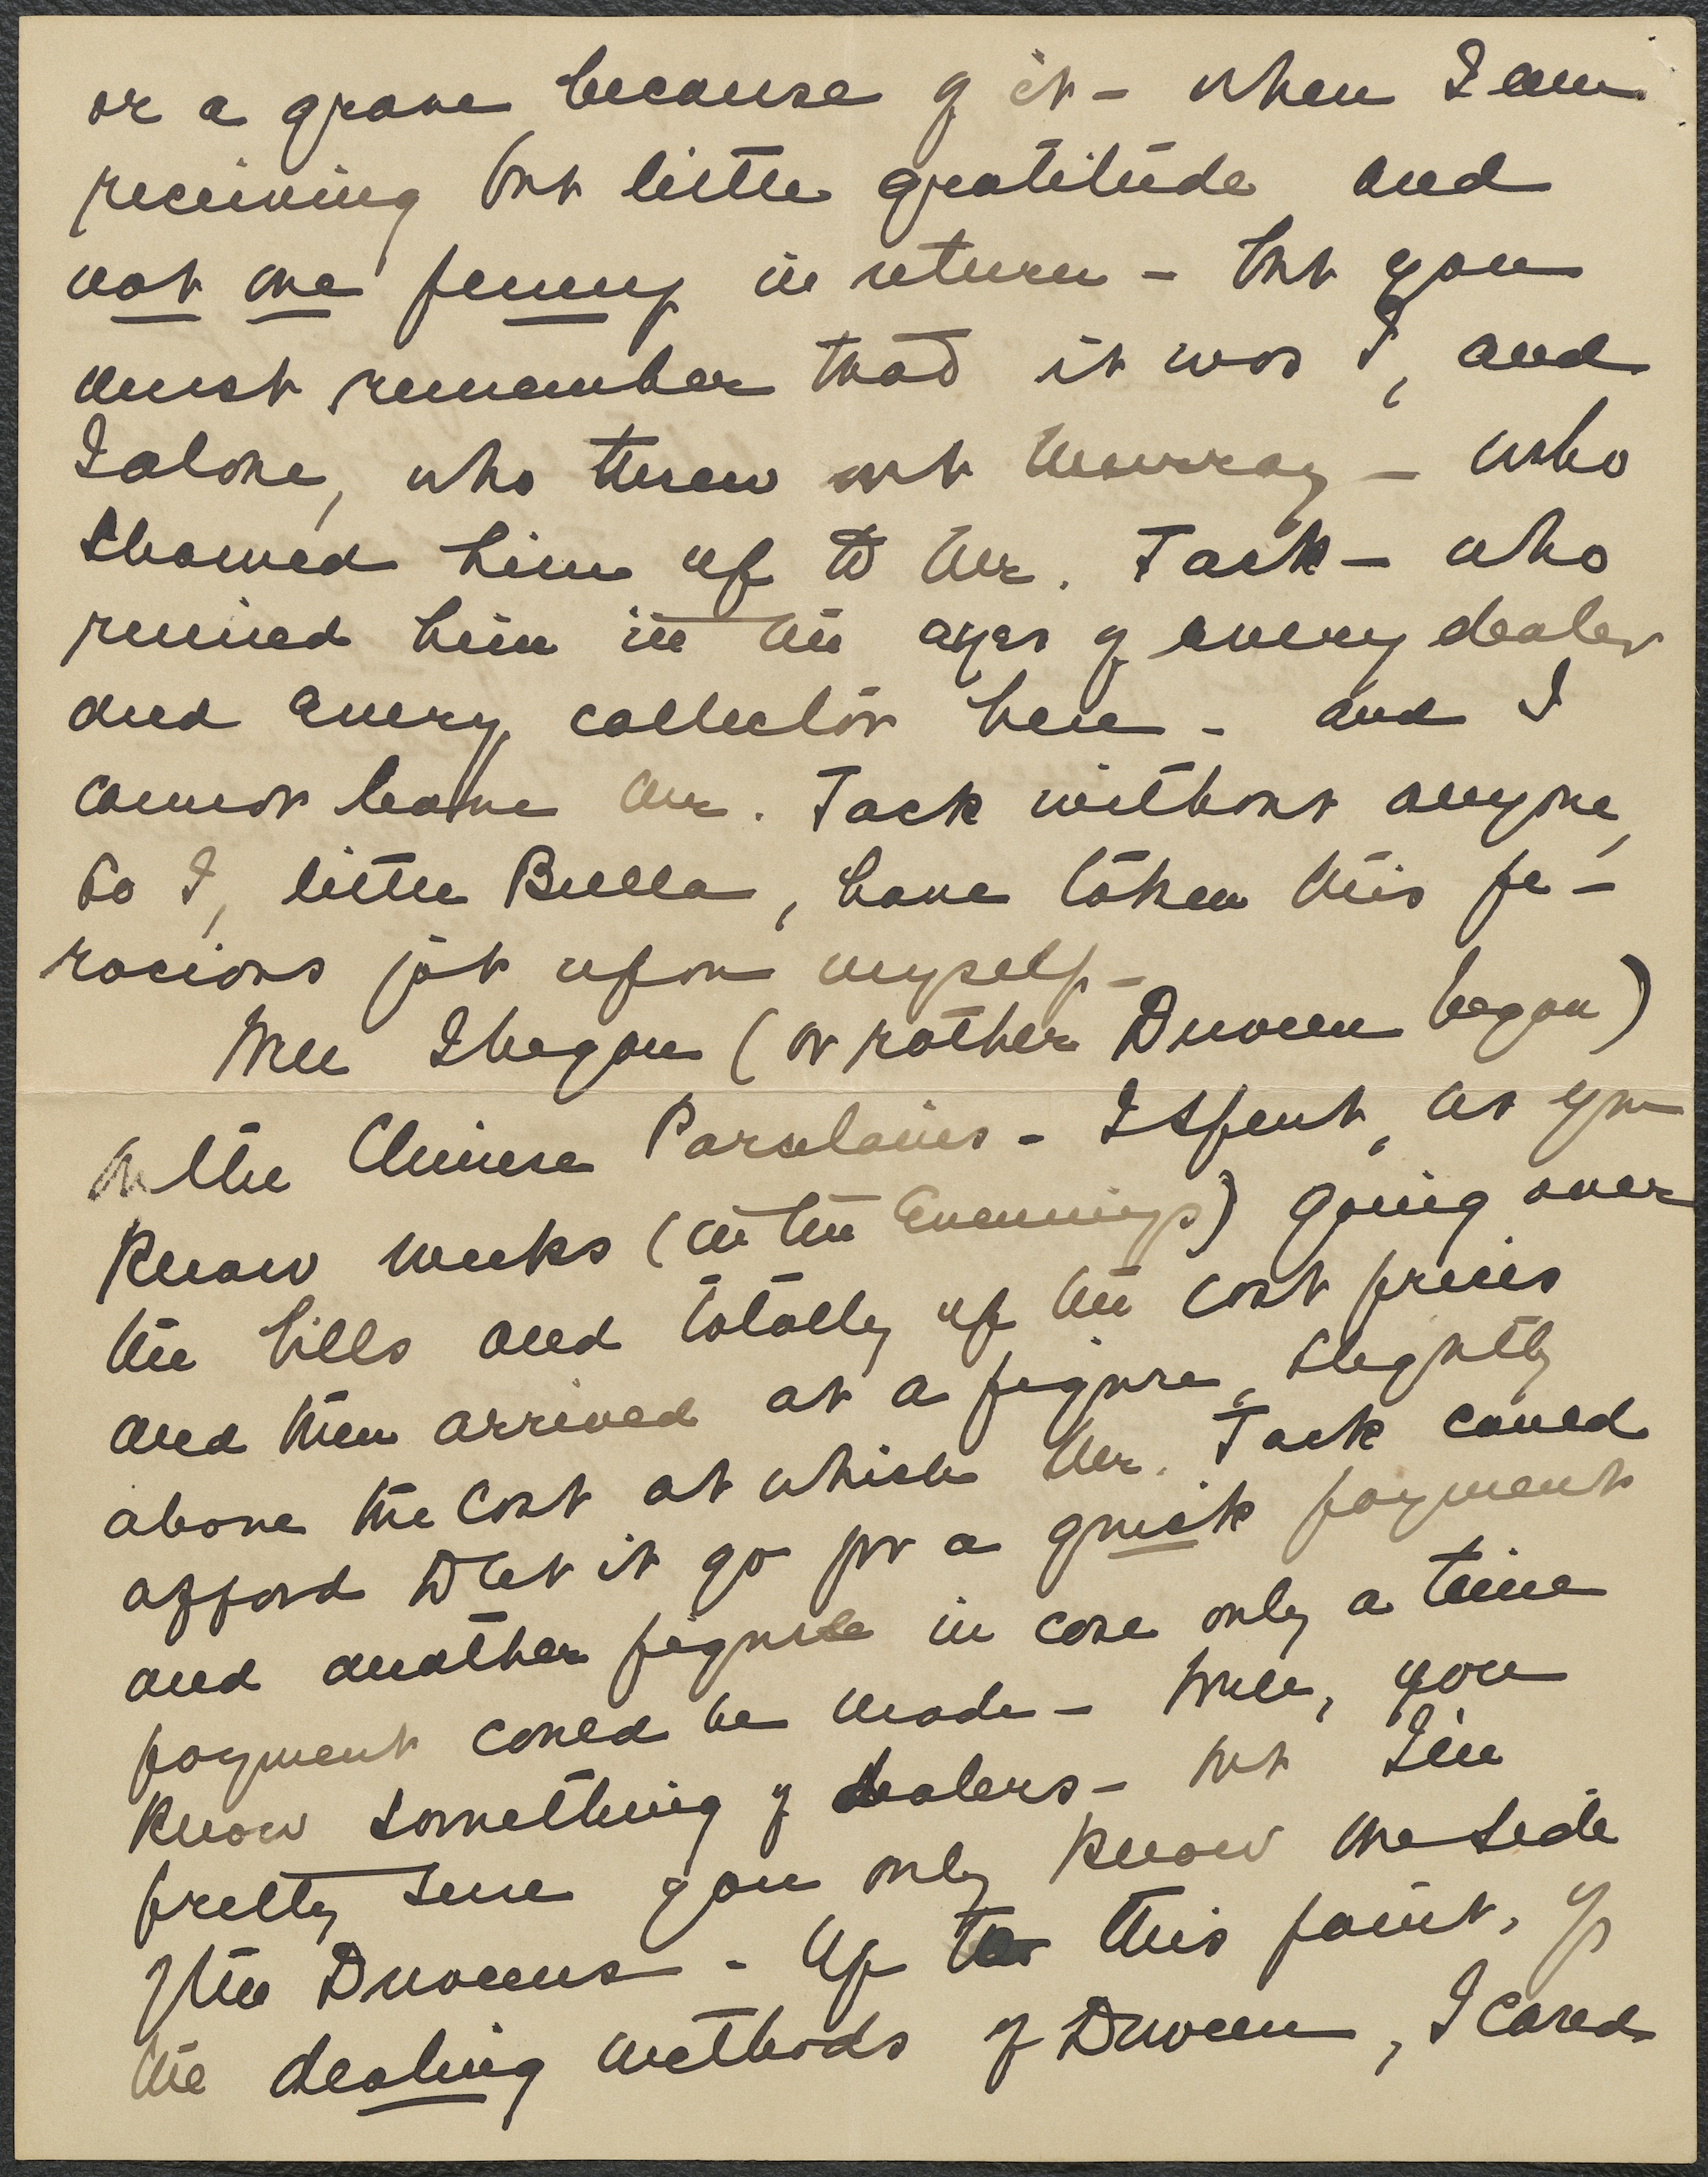or a grave because of it – when I am receiving but little gratitude and not one penny in return – but you must remember that it was I, and I alone, who threw out Murray – who showed him up to Mr. Jack – who ruined him in the eyes of every dealer and every collector here – and I cannot leave Mr. Jack without anyone, so I, little Bellla [sic], have taken this ferocious job upon myself –
Well I began (or rather Duveen began) on the Chinese Porcelains – I spent, as you know weeks (in the evenings) going over the bills and totally [sic] up the cost prices and then arrived at a figure slightly above the cost at which Mr. Jack could afford to let it go for a quick payment and another figure in case only a time payment could be made – well, you know something of dealers – but I’m pretty sure you only know one side of the Duveens – Up to this point, of the dealing methods of Duveen, I cared